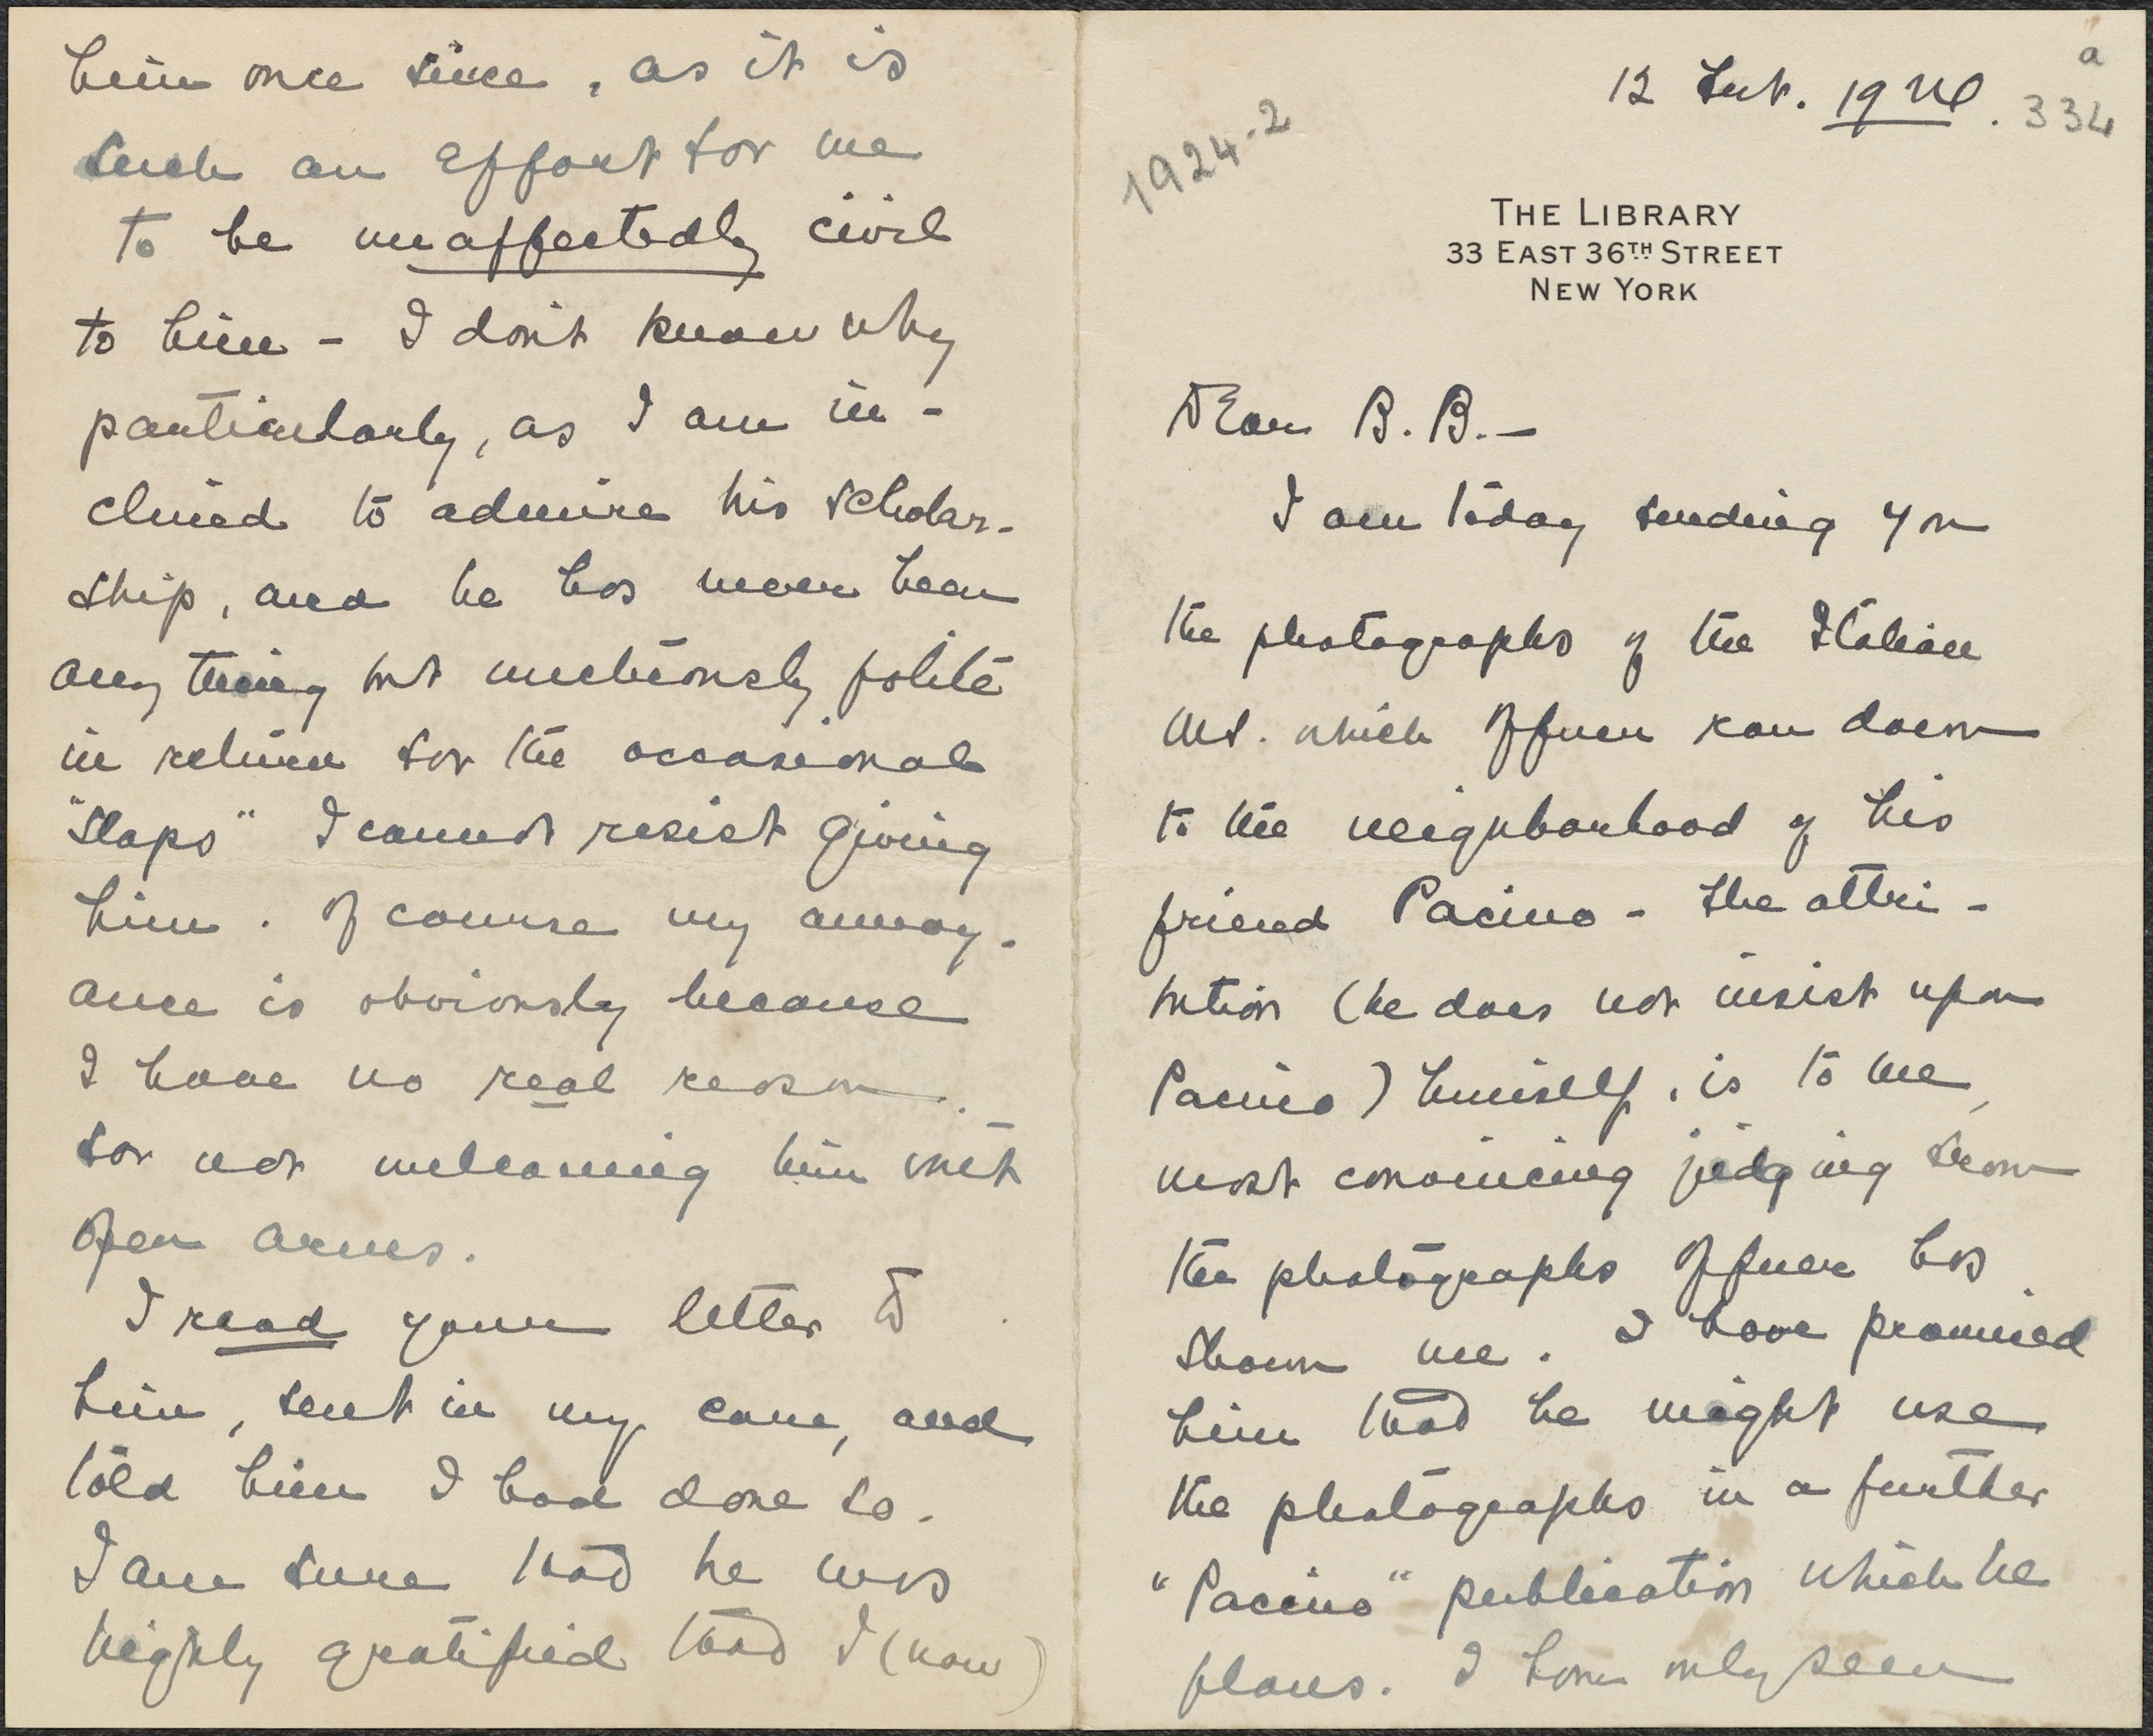12 Feb. 1924
Dear B.B. –
I am today sending you the photographs of the Italian MS. which Offner ran down to the neighborhood of his friend Pacino – the attribution (he does not insist upon Pacino) himself, is to me, most convincing judging from the photographs Offner has shown me. I have promised him that he might use the photographs in a further "Pacino" publication which he plans. I have only seen
him once since, as it is such an effort for me to be unaffectedly civil to him – I don't know why particularly, as I am inclined to admire his scholarship, and he has never been any thing but unctuously polite in return for the occasional "slaps" I cannot resist giving him. Of course my annoyance is obviously because I have no real reason for not welcoming him with open arms.
I read your letter to him, sent in my care, and told him I had done so. I am sure that he was highly gratified that I (now)